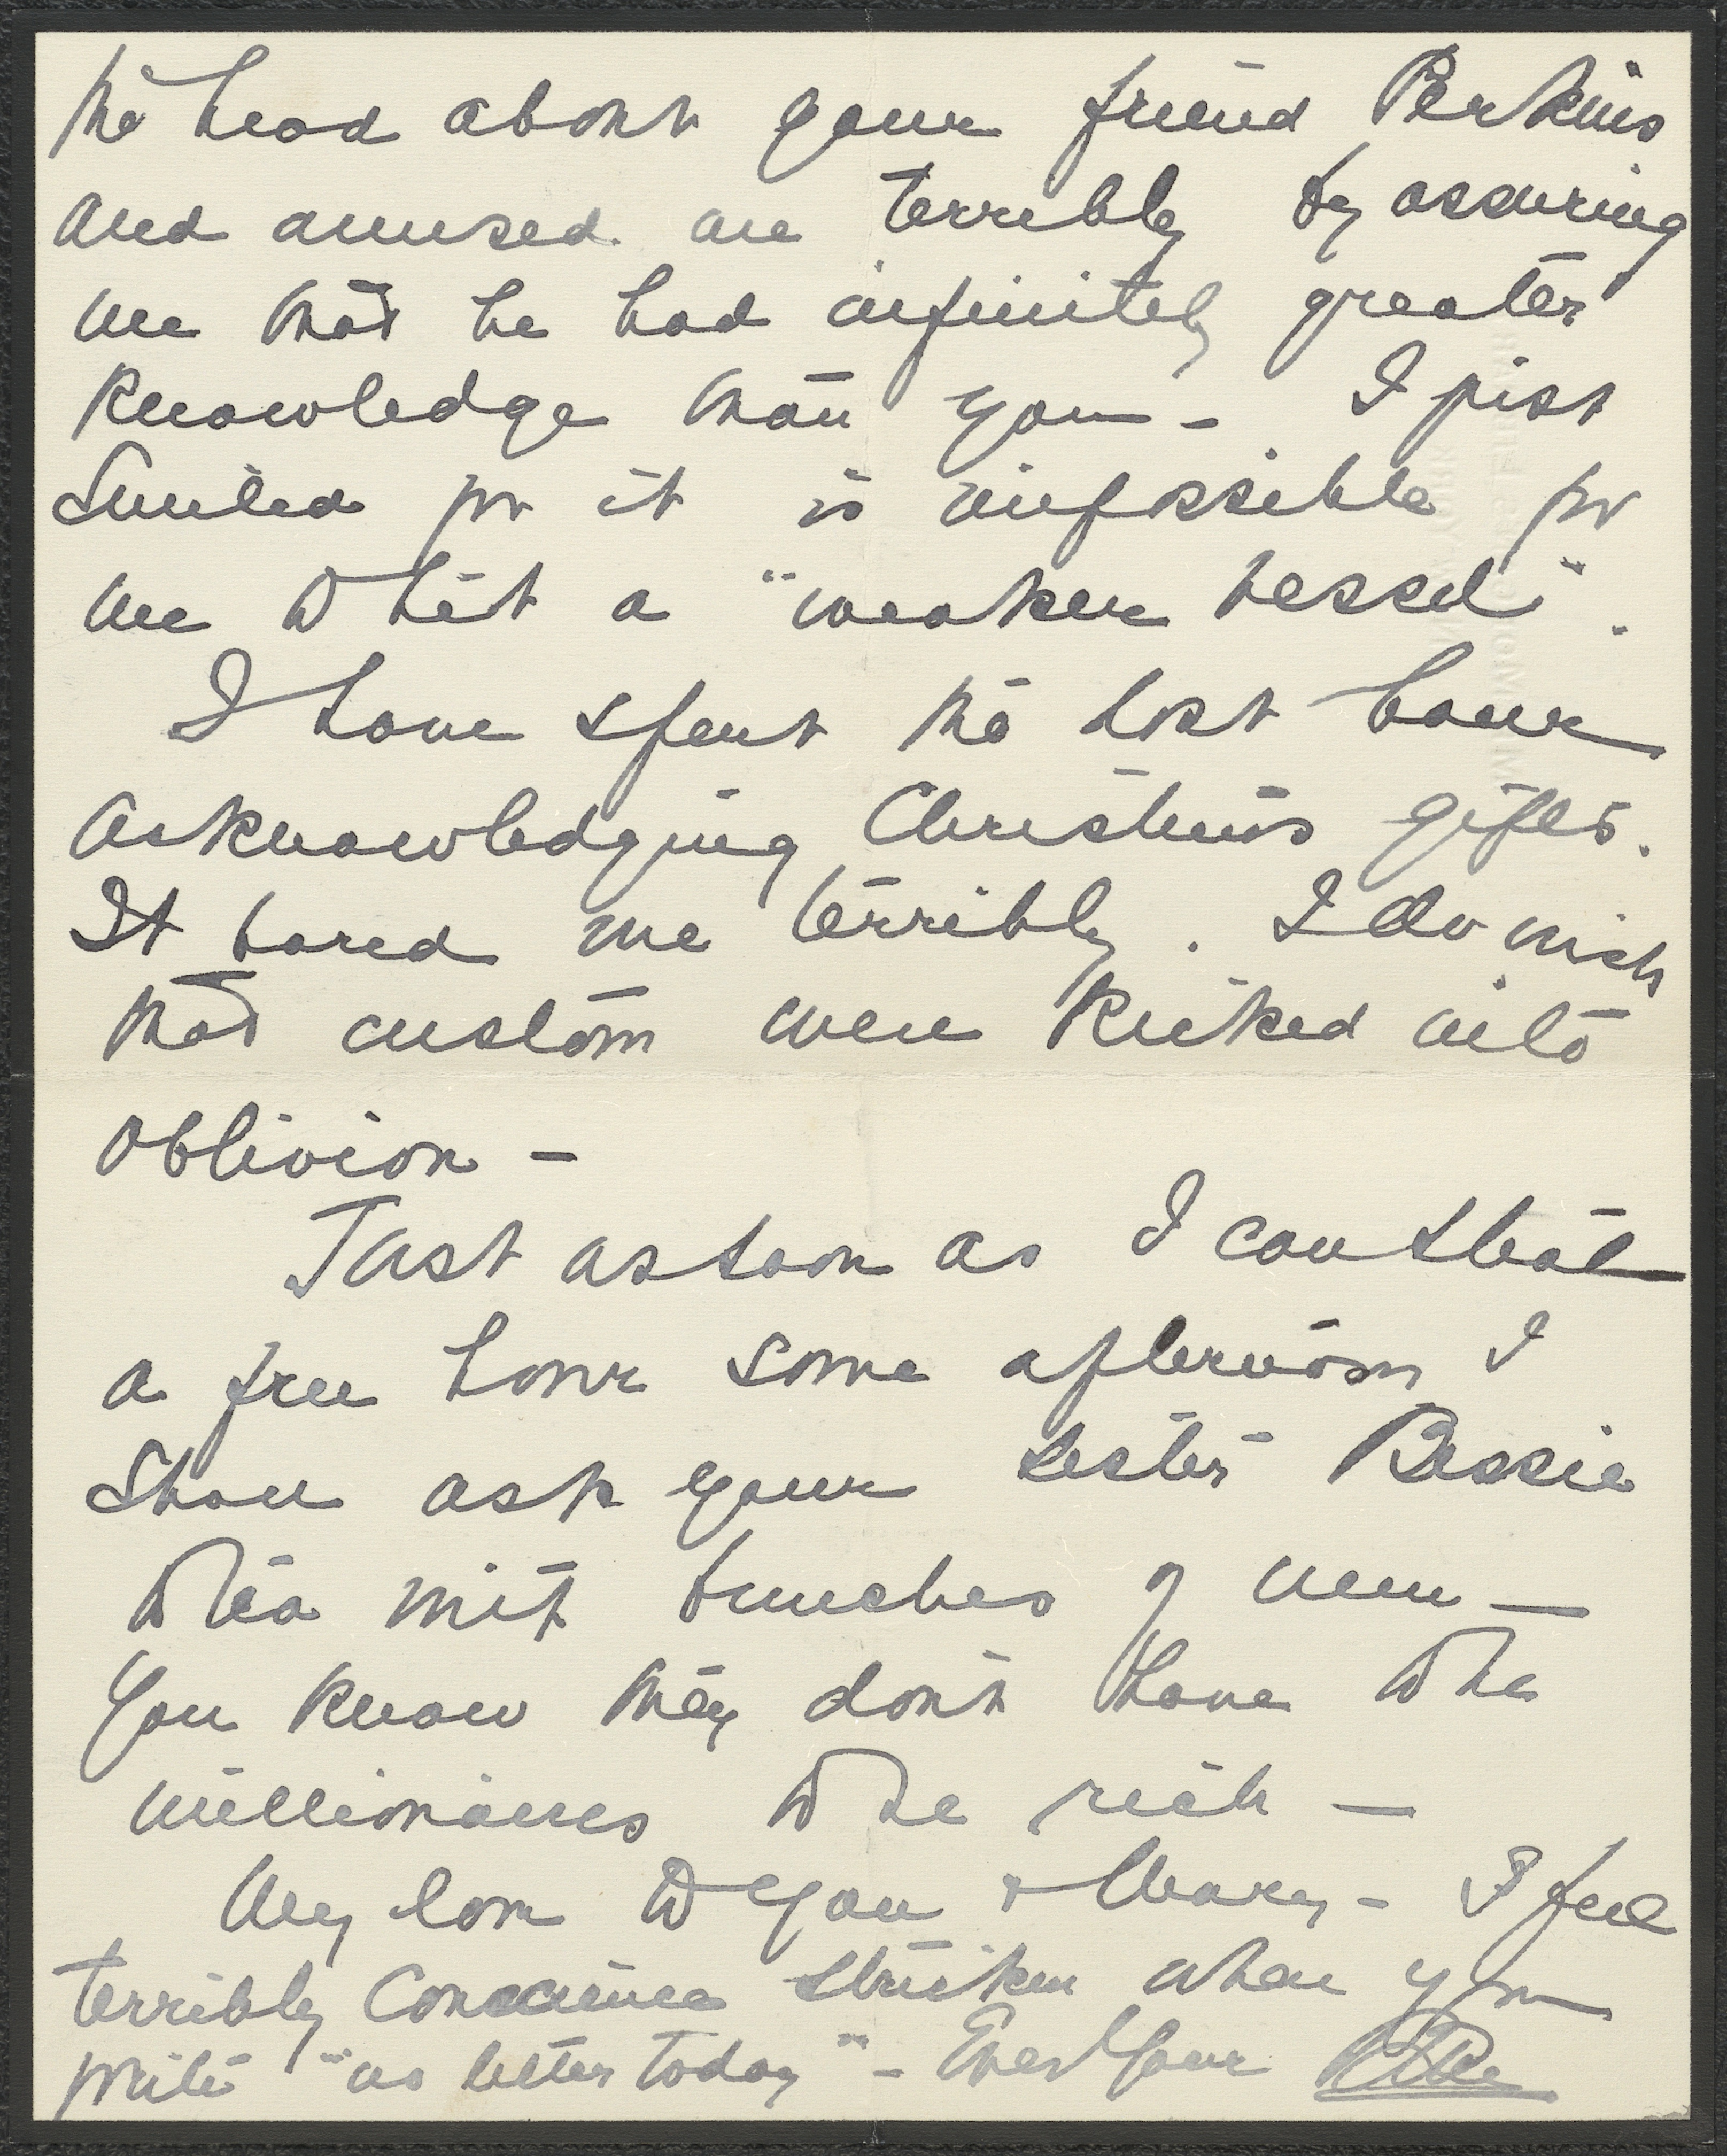the head about your friend Perkins and amused me terribly by assuring me that he had infinitely greater knowledge than you – I just smiled for it is impossible for me to tut [?] a “weaker vessel”. I have spent the last hour acknowledging Christmas gifts. It bored me terribly. I do wish that custom were kicked into oblivion –
Just as soon as I can steal a free hour some afternoon I shall ask your sister Bessie to tea with bunches of men – you know they don’t have to be millionaires to be rich –
My love to you & Mary – I feel terribly conscience stricken when you write “no letter today” – Ever Your Belle